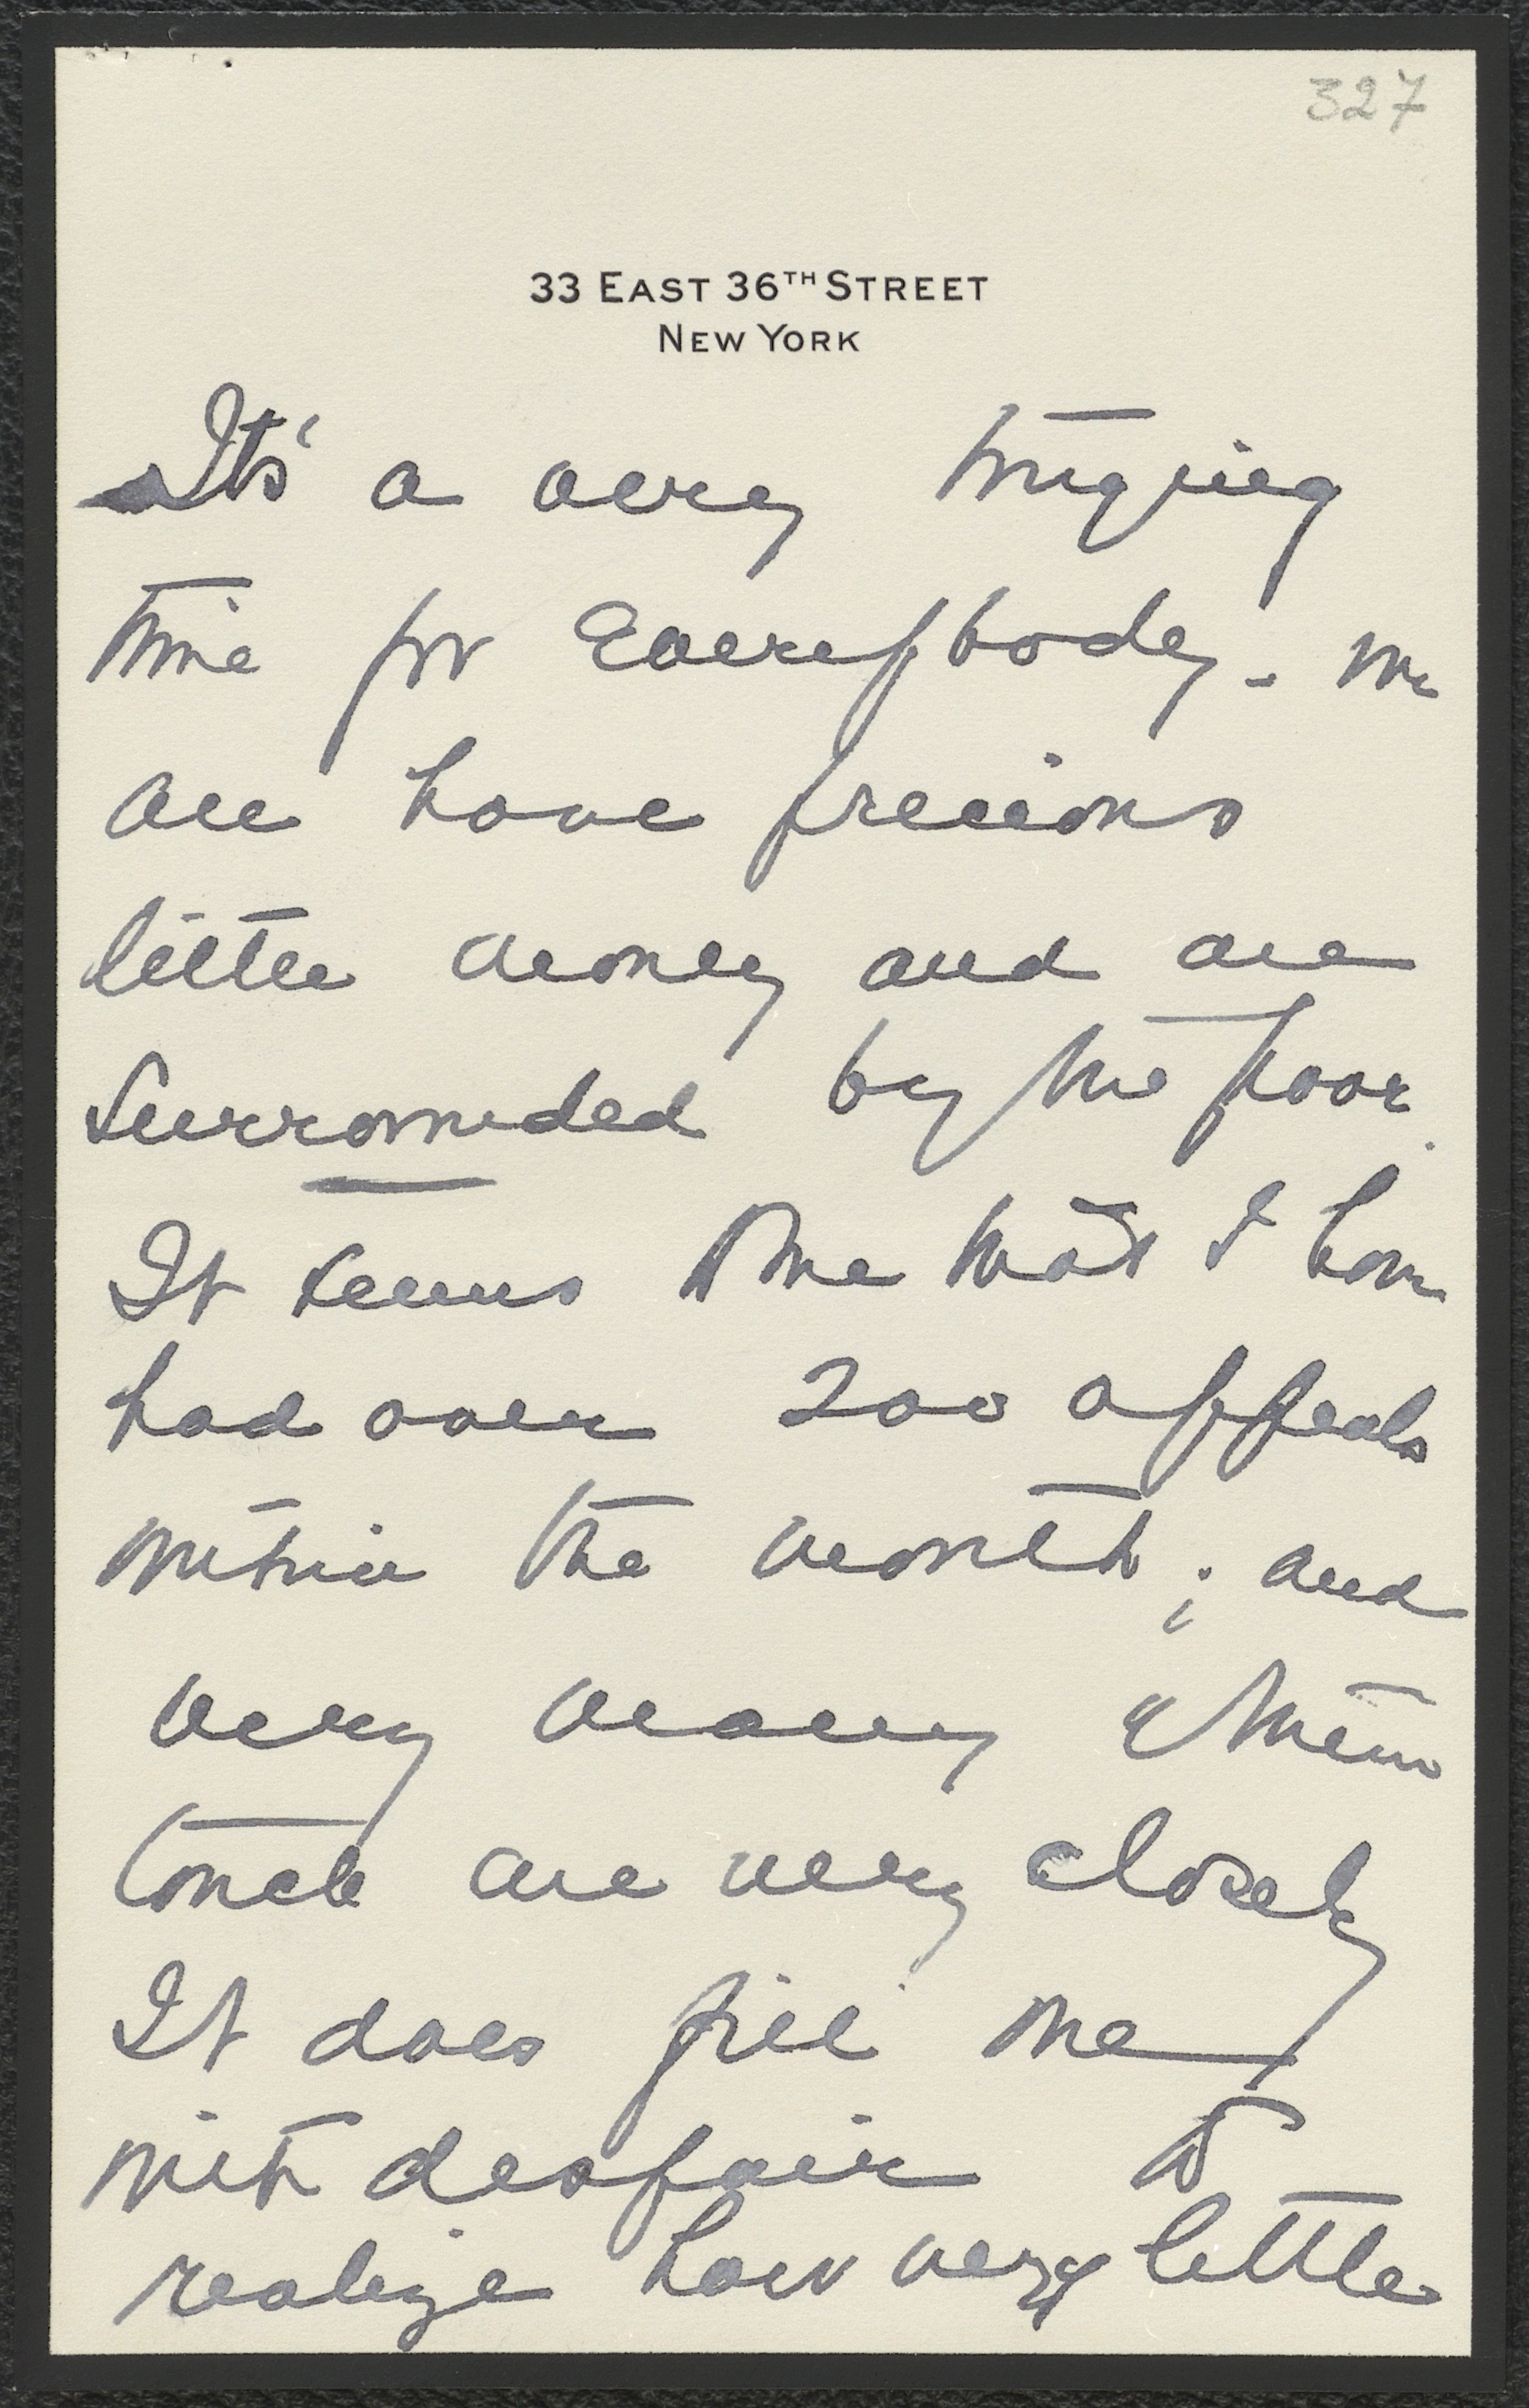It’s a very trying time for everybody – we all have precious little money and are surrounded by the poor.
It seems to me that I have had over 200 appeals within the month; and very many of them touch me very closely It does fill me with despair to realize how very little